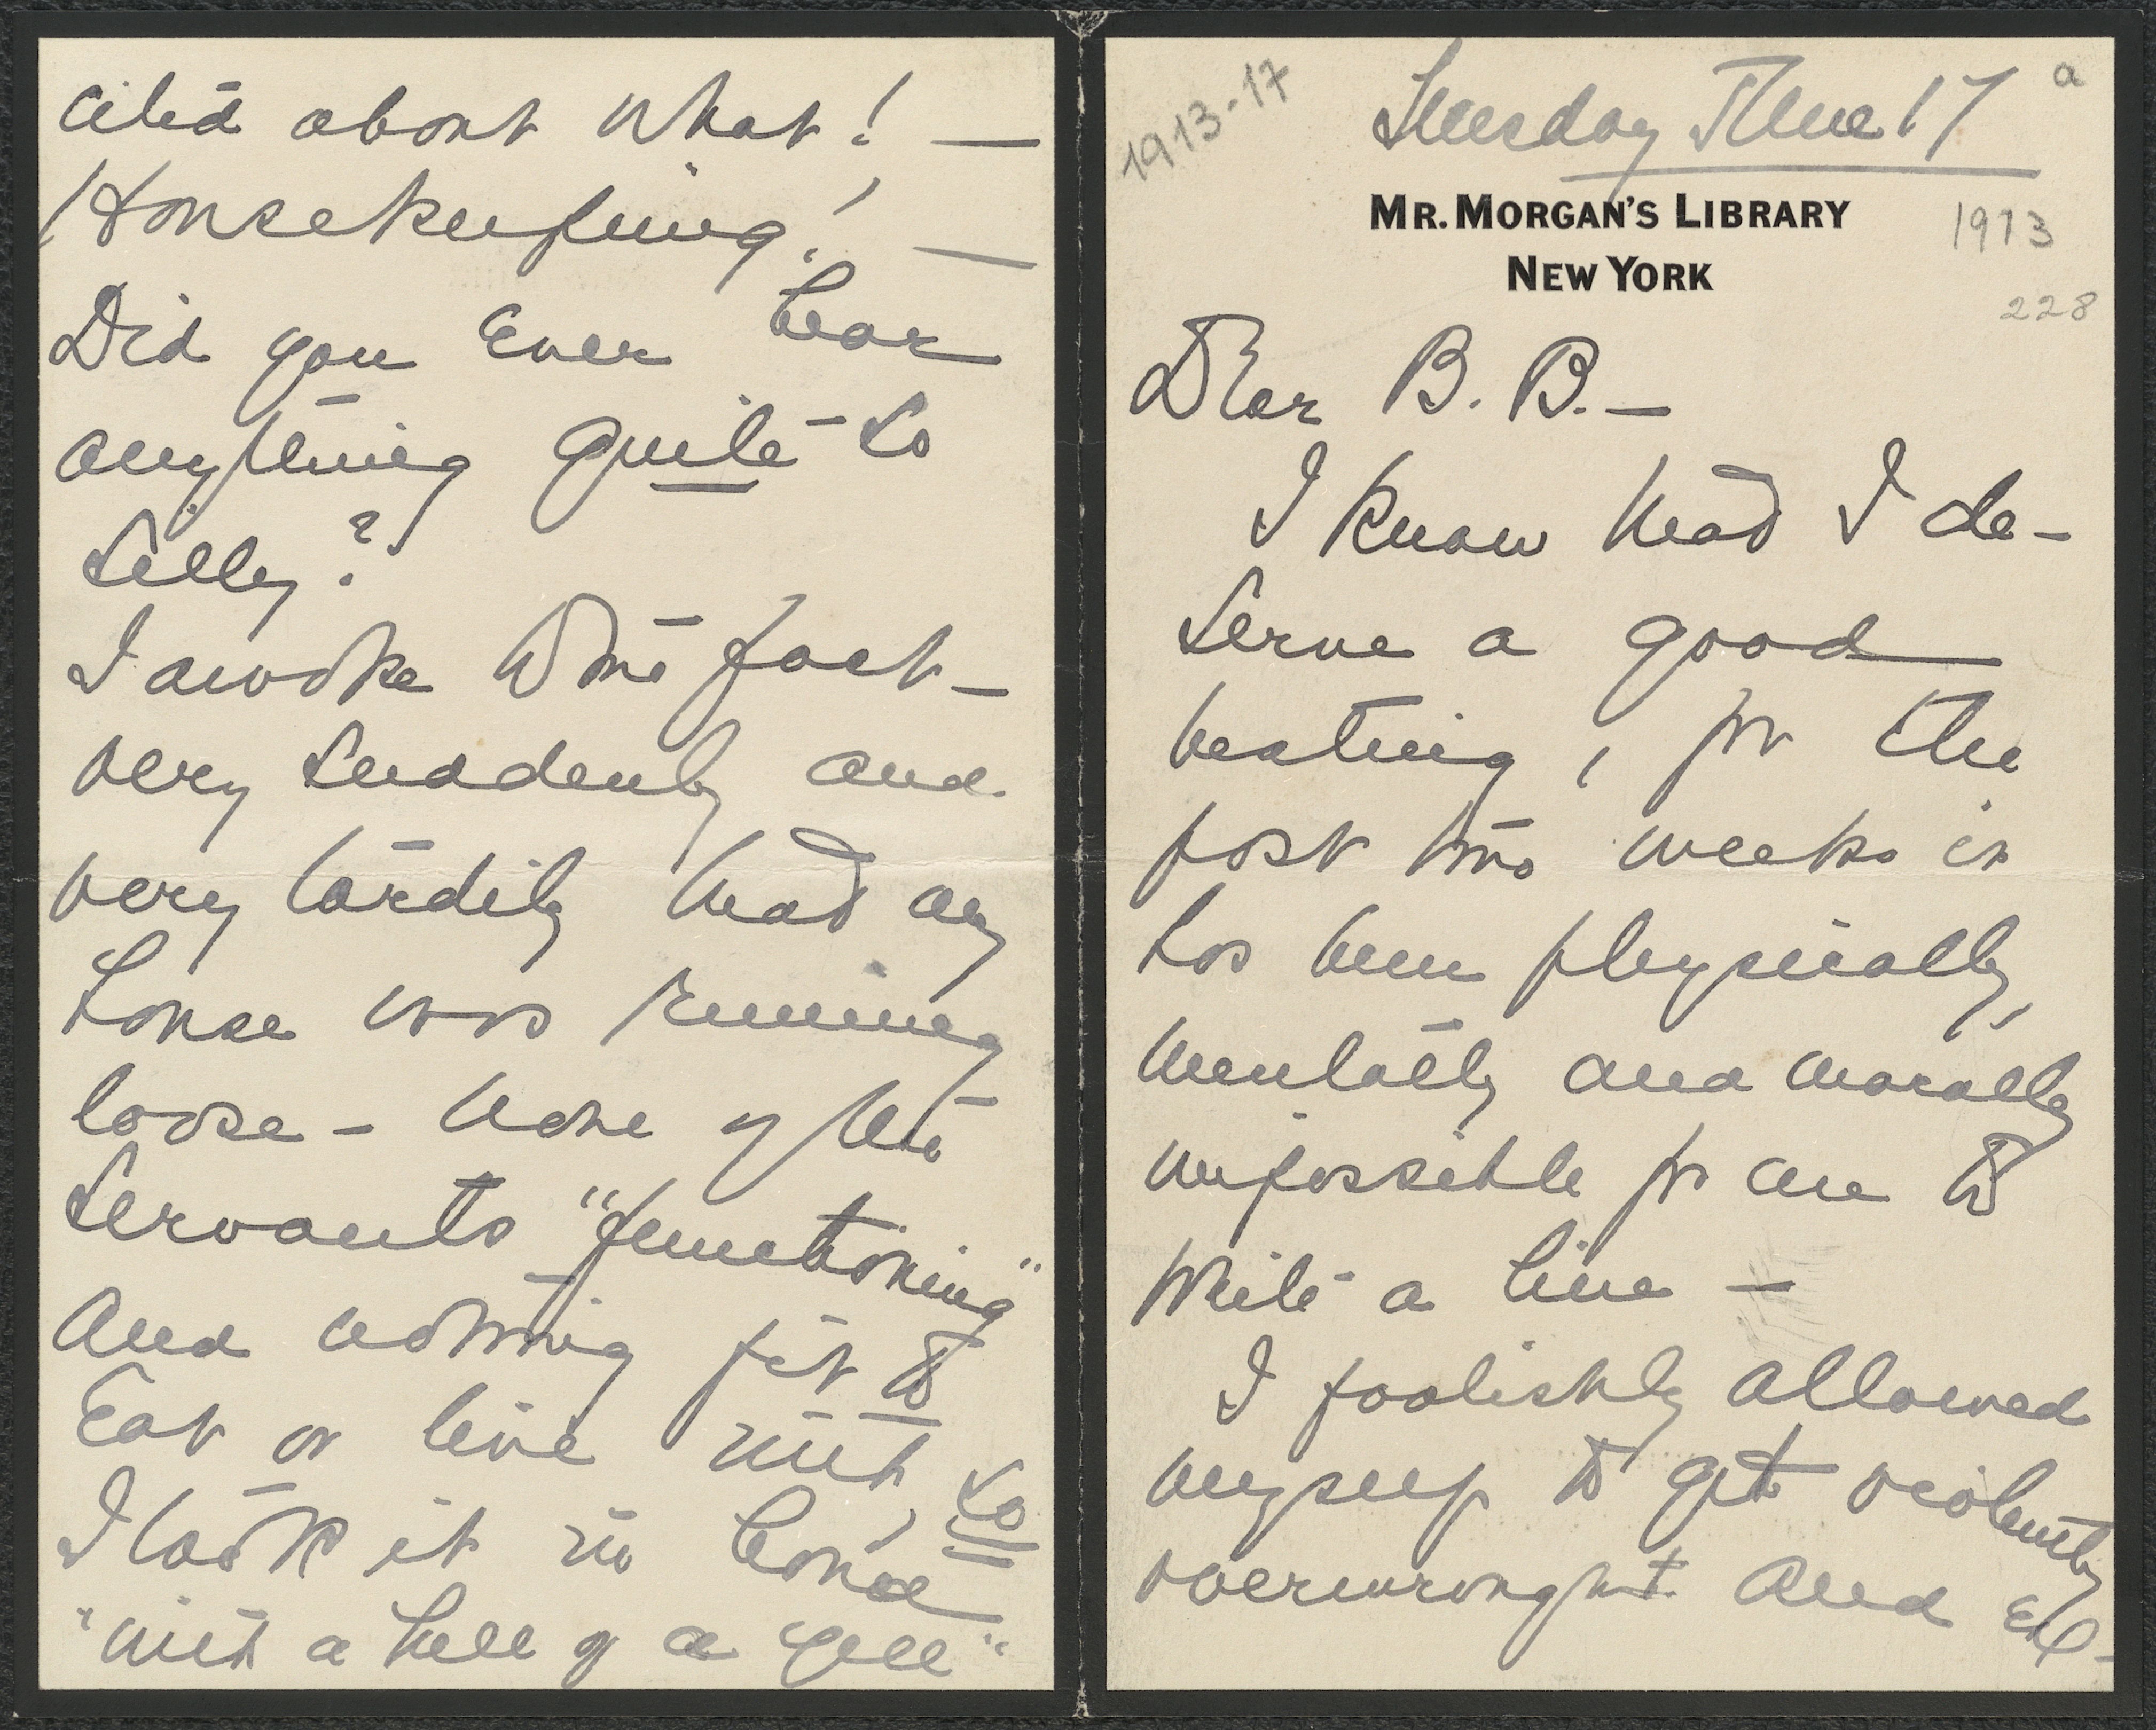Tuesday, June 17
Dear B. B. –
I know that I deserve a good beating, for the past two weeks it has been physically, mentally and morally impossible for me to write a line –
I foolishly allowed myself to get violently overwrought and excited
about what! – Housekeeping! – Did you ever hear anything quite so silly?
I awoke to the fact – very suddenly and very tardily that my house was running loose – none of the servants “functioning” and nothing fit to eat or live with, [double underlined: so] I took it in hand “with a hell of a yell”